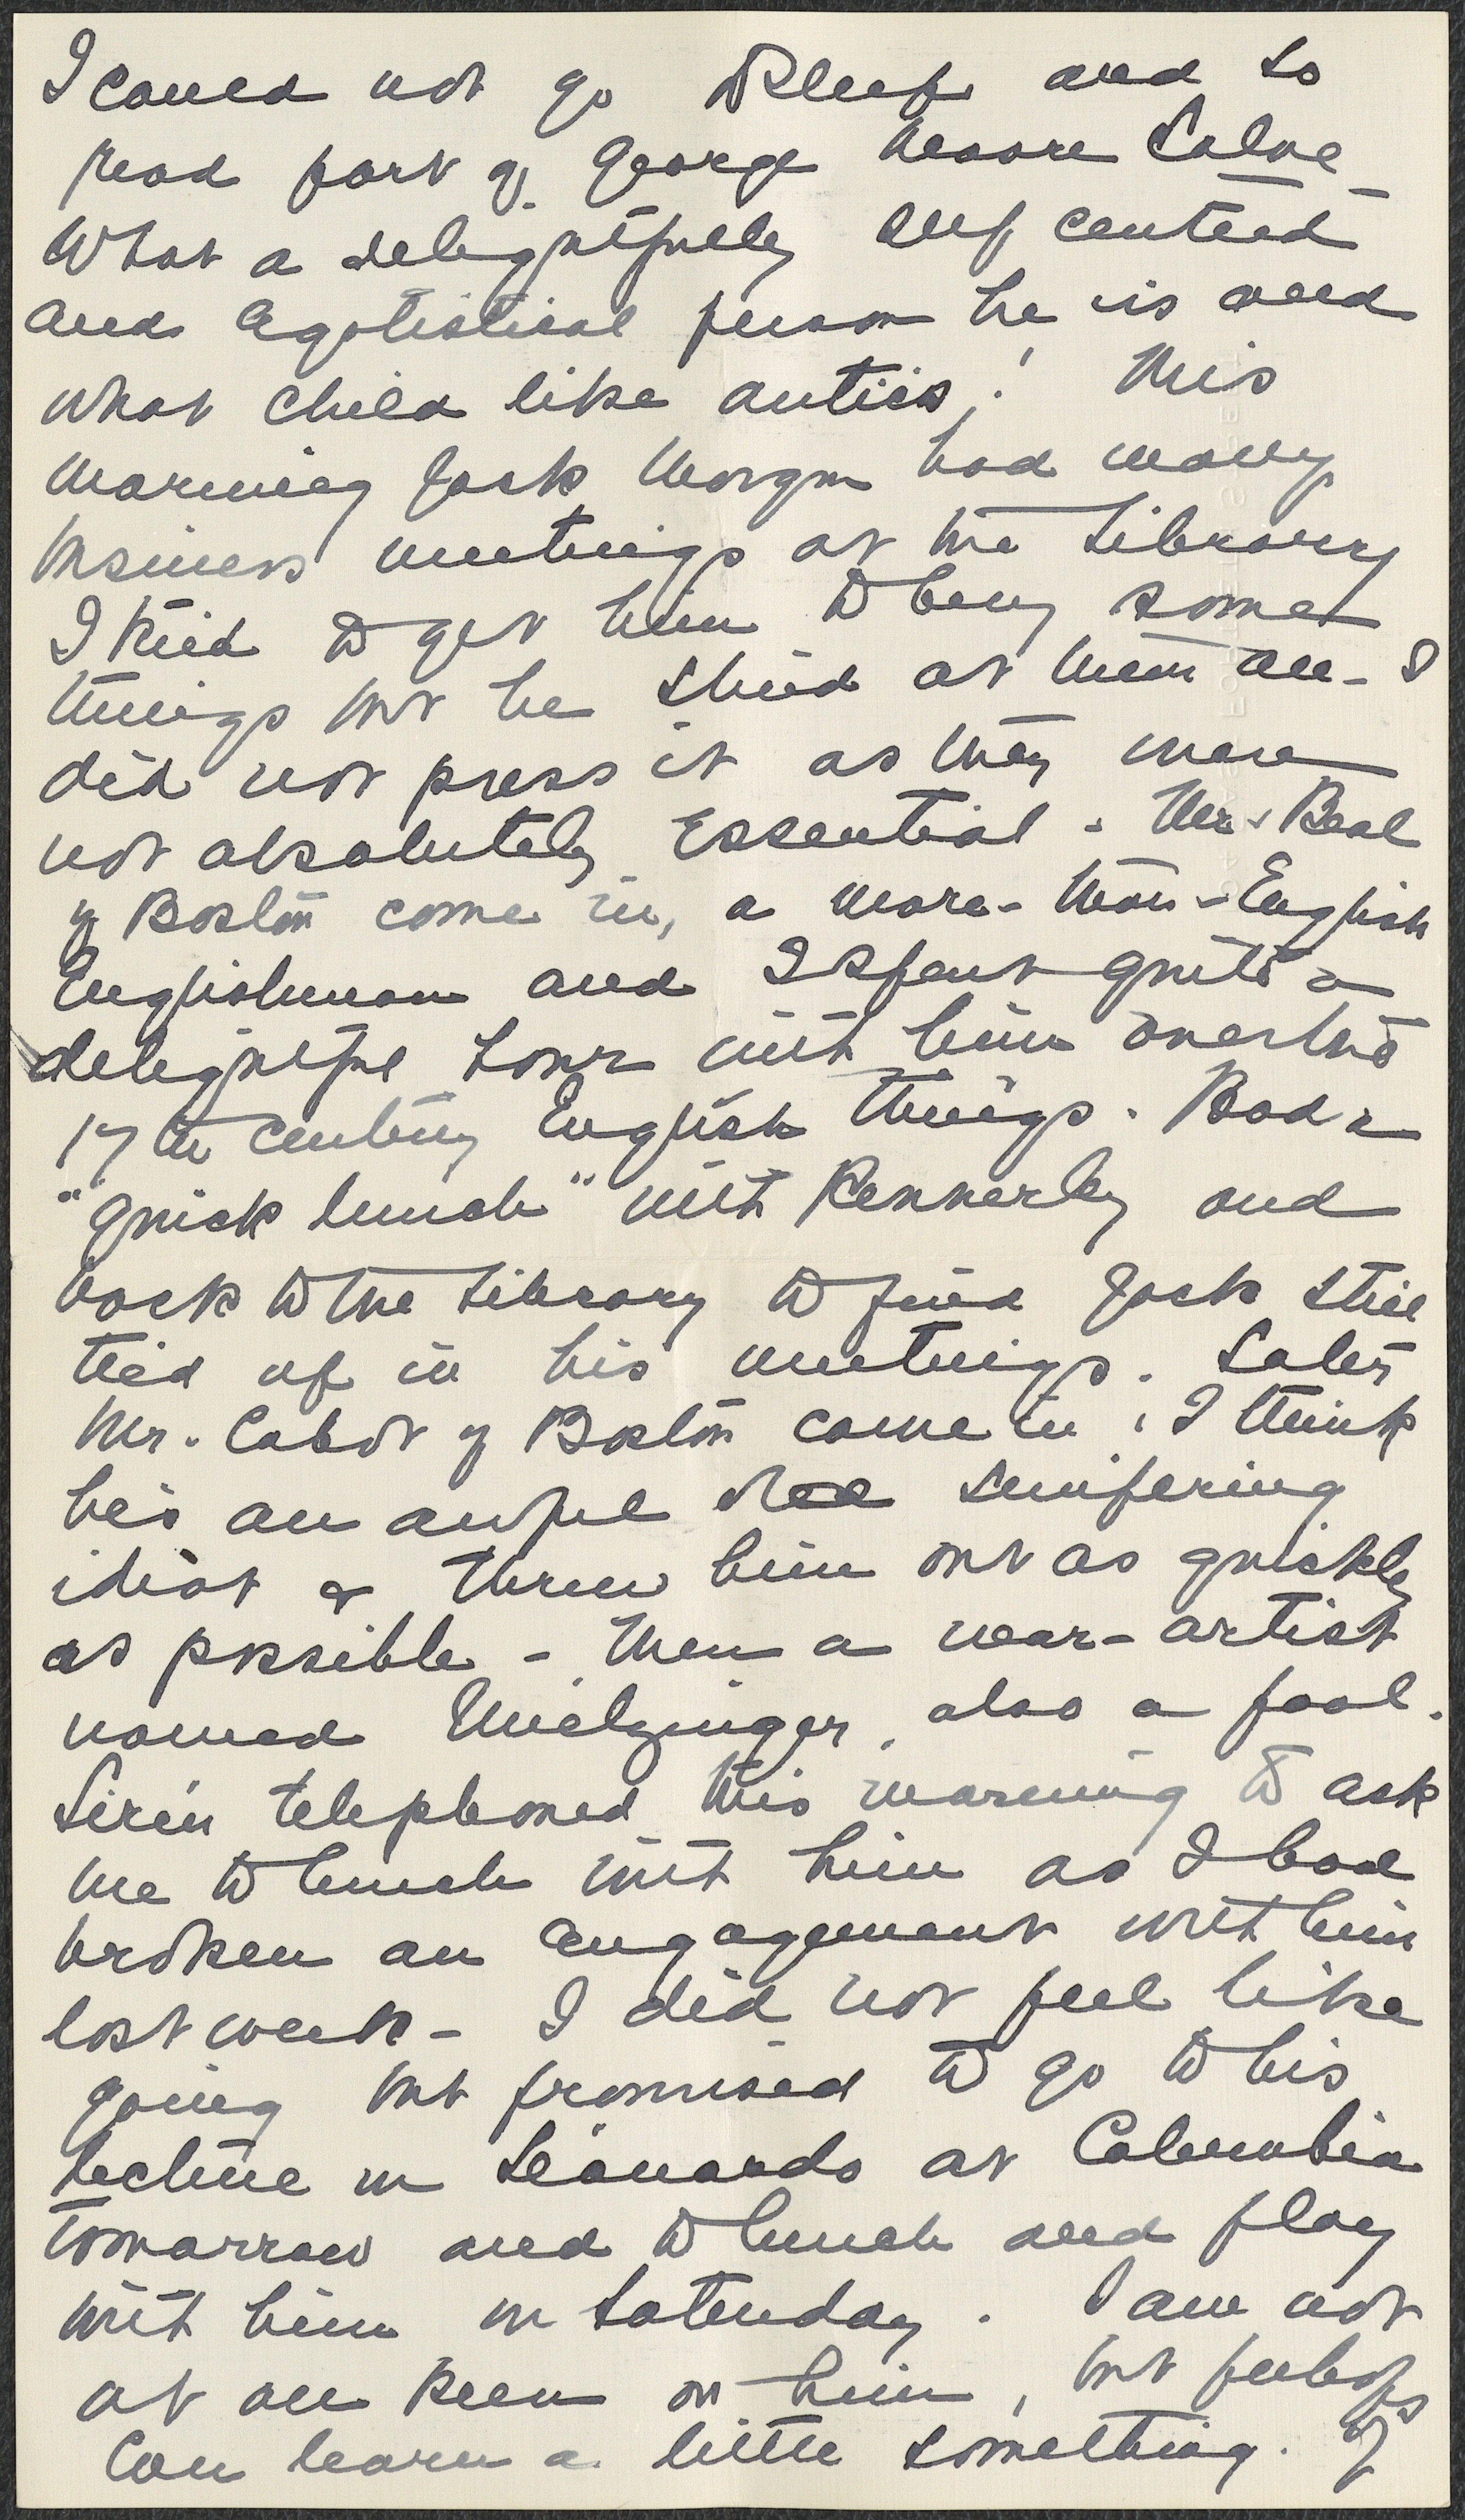I could not go to sleep and so read part of George Moore Salve – What a delightfully self centered and egotistical person he is and what child like antics! This morning Jack Morgan had many business meetings at the Library I tried to get him to buy some things but he shied at them all – I did not press it as they were not absolutely essential – Mr. Beal of Boston came in, a more-than-English Englishman and I spent quite a delightful hour with him over the 17th century English things. Had a “quick lunch” with Kennerly and back to the Library to find Jack still tied up in his meetings. Later Mr. Cabot of Boston came in, I think he’s an awful old simpering idiot & threw him out as quickly as possible – Then a near-artist named Metzinger, also a fool.
Sirén telephoned this morning to ask me to lunch with him as I had broken an engagement with him last week – I did not feel like going but promised to go to his lecture on Leonardo at Colombia tomorrow and to lunch and play with him on Saturday. I am not at all keen on him, but perhaps can learn a little something of